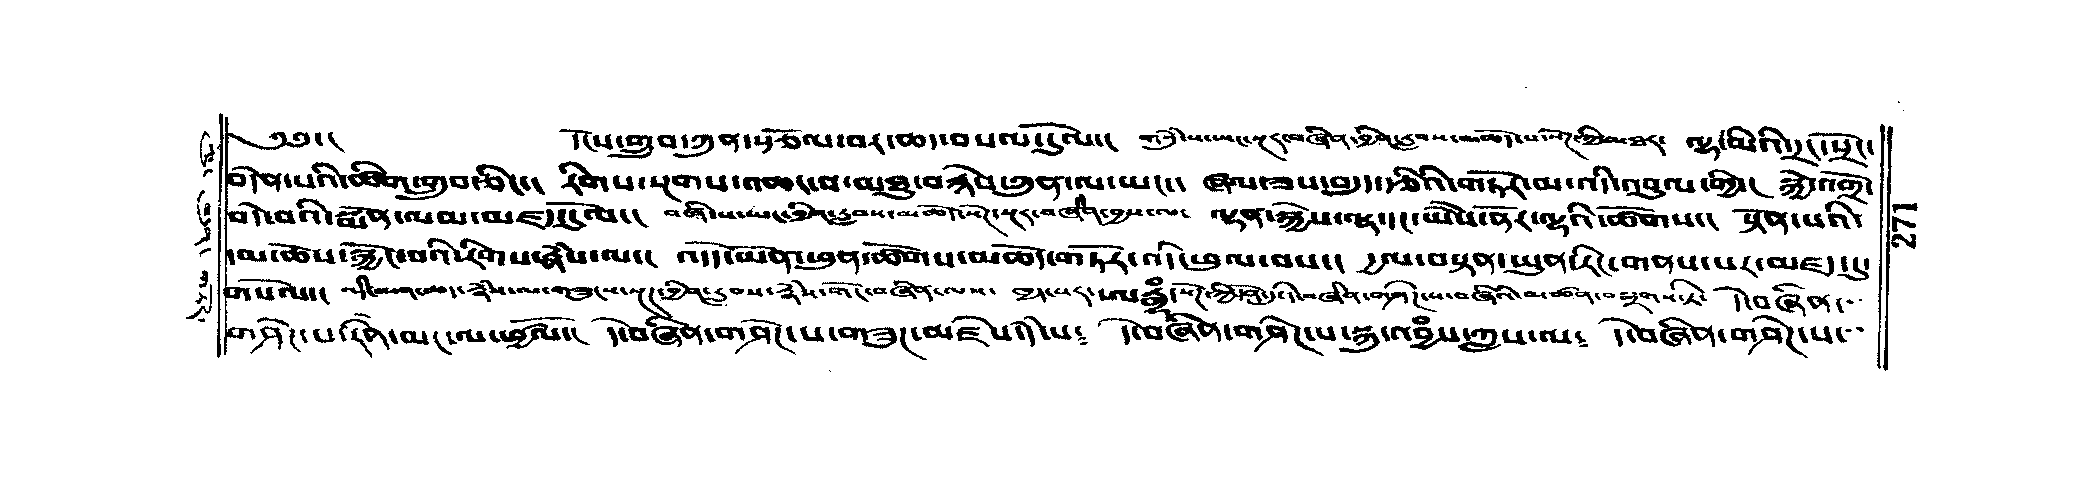དངོས་གྲུབ་ཀུནསྩོལ་བར་ཆད་བསལ་དུ་གསོལ། །གསུམ་པ་ཡང་སྔར་བཞིན་བྱིན་རླབས་མཆོད་པ་སོགས་ཀྱི་མཐར། ལྷ་མིའི་དྲང་སྲོང་
བདེན་པའི་ཚིག་གྲུབ་ཅིང་། །རིགས་སྔགས་འཆང་བ་མཐུ་བརྙེས་ཀུན་ལ་ཡང་། །ཞལ་ཟས་བདུད་རྩིའི་གཏོར་མ་འདི་འབུལ་གྱི། །སྐྱེ་འགྲོ་
བདེ་བའི་སྨོན་ལམ་མཛད་དུ་གསོལ། །བཞི་པ་ཡང་བྱིན་རླབས་མཆོད་སོགས་སྔོར་བཞིན་བྱས་ལ། ལྷན་སྐྱེས་ལྷ་དང་ཡེ་ཤེས་ནོར་ལྷའི་ཚོག སྟོན་པའི་
དམ་ཆོས་སྐྱོང་བའི་རིགས་རྣམས་ལ། །འདོད་ཡོན་ཕུན་ཚོགས་མཆོད་གཏོར་འདི་ཕུལ་བས། །རྒྱལ་བསྟན་ཡུན་རིང་གནས་པར་མཛད་དུ་
གསོལ། ། འདི་མན་ཆད་རྣམས་ལ་གཟུངས་སྔགས་ཀྱི་བྱིན་རླབས་རྣམས་གོང་བཞིན་ལས། ཁྱད་པར་ཨརྒྷཾ་སོགས་ཀྱི་དོན་དུ་དེ་བཞིན་
གཤེགས་པ་བཞིའི་མཚན་བསྒྲགས་ཏེ། དེ་བཞིན་བཤེགས་པ་རིན་ཆེན་མང་ལ་ཕྱག་འཚལ་ལོ། །བདེ་བཞིན་གཤེགས་པ་གཟུགས་མཛེས་དམ་པ་ལ་༴ བདེ་བཞིན་བཤེགས་པ་སྐུ་འབྱམས་ཀླས་ལ༴ དེ་བཞིན་གཤེགས་པ་